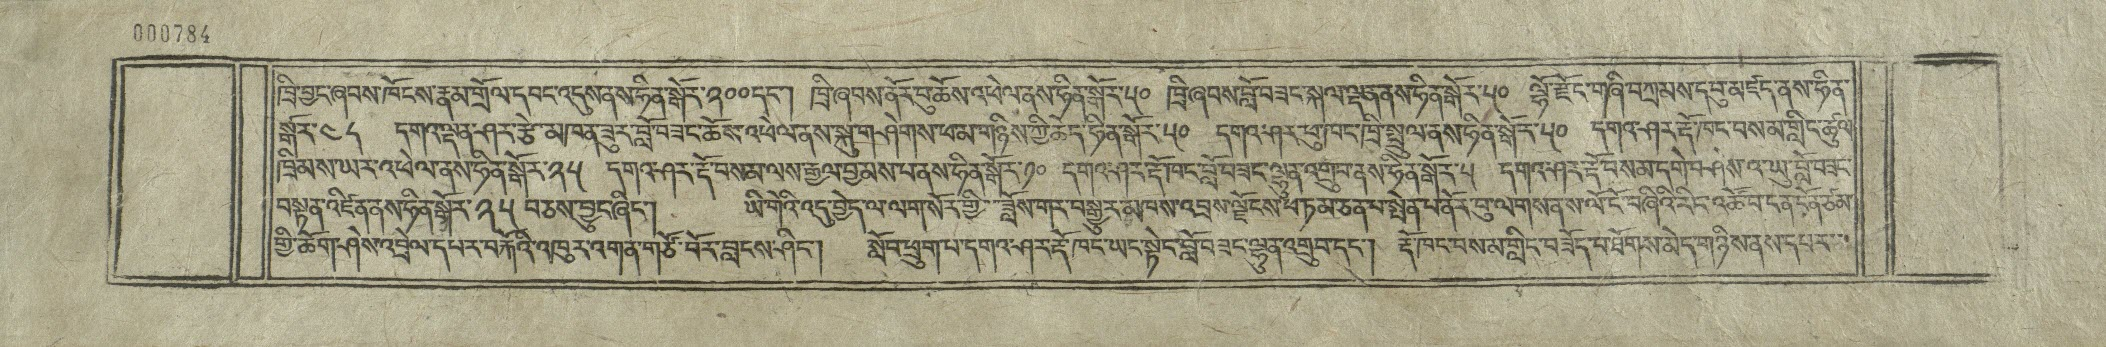ཁྲི་བྱང་ཞབས་ཁོངས་རྣམ་གྲོལ་དབང་འདུས་ནས་ཧིན་སྒོར ༢༠༠་དང་། ཁྲི་ཞབས་ནོར་བུ་ཆོས་འཕེལ་ནས་ཧིན་སྒོར ༥༠་ཁྲི་ཞབས་བློ་བཟང་སྐལ་ལྡན་ནས་ཧིན་སྒོར ༥༠་ལྷོ་རྫོང་གཞི་བཀྲམས་དབུ་མཛད་ནས་ཧིན་
སྒོར ༤༨་དགའ་ལྡན་ཤར་རྩེ་མཁན་ཟུར་བློ་བཟང་ཆོས་འཕེལ་ནས་སྐུ་གཤེགས་ཕ་མ་གཉིས་ཀྱི་ཆེད་ཧིན་སྒོར ༥༠་དགའ་ཤར་ཕུ་ཁང་ཁྲི་སྤྲུལ་ནས་ཧིན་སྒོར ༥༠་དགའ་ཤར་རྡོ་ཁང་བསམ་གླིང་ཚུལ་
ཁྲིམས་ཡར་འཕེལ་ནས་ཧིན་སྒོར ༢༥་དགའ་ཤར་རྡོ་བསམ་ལས་རྒྱལ་བྱམས་པ་ནས་ཧིན་སྒོར ༡༠་དགའ་ཤར་རྡོ་ཁང་བློ་བཟང་ལྷུན་འགྲུབ་ནས་ཧིན་སྒོར ༥་དགའ་ཤར་རྡོ་བསམ་དགེ་བཤེས་འ་ཡུ་བློ་བཟང་
བསྟན་འཛིན་ནས་ཧིན་སྒོར ༢༥་བཅས་བྱུང་ཞིང་། ཡི་གེའི་འདུ་བྱེད་ལ་ལག་སོར་གྱི་ཟློས་གར་བསྒྱུར་མཁས་འབྲས་ལྗོངས་ཕ་ཏམ་ཅན་པ་སྤེན་པ་ནོར་བུ་ལགས་ནས་ལོ་ངོ་བཞིའི་རིང་འཚོ་བ་ངན་ངོན་ཙམ་
གྱི་ཆོག་ཤེས་འབྲེལ་དཔར་བརྐོའི་འཁུར་འགན་གཙོ་བོར་བླངས་ཤིང་། སློབ་ཕྲུག་པ་དགའ་ཤར་རྡོ་ཁང་ཡང་སྟེང་བློ་བཟང་ལྷུན་འགྲུབ་དང་། རྡོ་ཁང་བསམ་གླིང་བཟོད་པ་ཐོགས་མེད་གཉིས་ནས་དཔར་